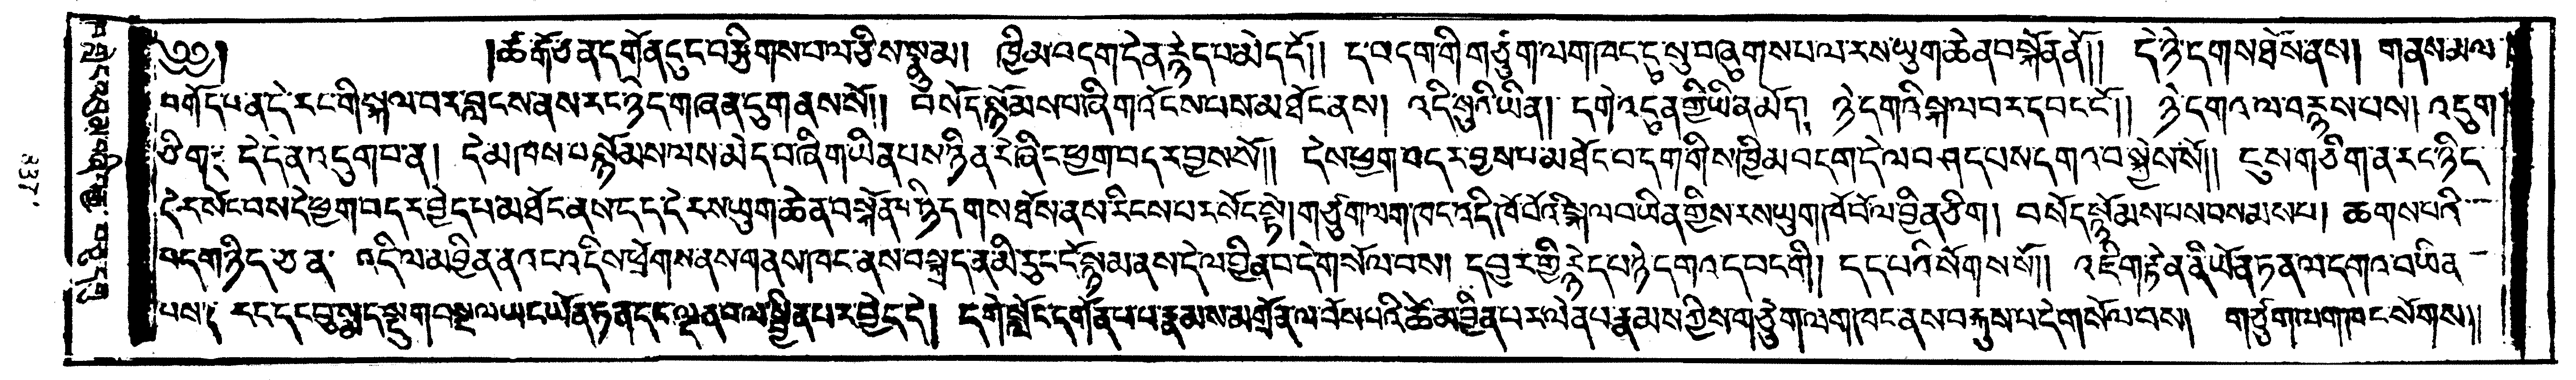༄༅། །ཚ་རྒོ་ཅན་དགོན་དུང་བརྩིགས་པ་ལ་ཅིས་སྣུ་མ། ཁྱིམ་བདག་དེན་རྙེད་པ་མེད་དོ།། ད་བདག་གི་གཙུག་ལག་ཁང་དུ་སུ་བཞུགས་པ་ལ་རས་ཡུག་ཆེན་བསྐོན་ནོ།། དེ་ཉེ་དགས་ཐོས་ནས། གནས་མལ་
བགོད་པ་ན་དེ་རང་གི་སྐལ་བར་བླངས་ནས་རང་ཉེད་གཞན་དུ་གནས་སོ།། བསོད་སྙོམས་པ་ཞིག་འོངས་པས་མཐོང་ནས། འདི་སུའི་ཡིན། དགེ་འདུན་གྱི་ཡིན་མོད། ཉེ་དགའི་སྐལ་བར་དབང་ངོ།། ཉེ་དགའ་ལ་བརྙས་པས། འདུག་
ཅིག༑ དེ་དེ་ན་འདུག་པ་ན། དེ་མཁས་པ་སྙོམས་ལས་མེད་བ་ཞིག་ཡིན་པས་ཉིན་རེ་ཞིང་ཕྱག་བདར་བྱས་སོ།། དེས་ཕྱག་བདར་བྱས་པ་མཐོང་བ་དག་གིས་ཁྱིམ་བདག་དེ་ལ་བཤད་པས་དགའ་བ་སྐྱེས་སོ།། དུས་གཅིག་ན་རང་ཉིད་
དེར་སོང་བས་དེ་ཕྱག་བདར་བྱེད་པ་མཐོང་ནས་དད་དེ་རས་ཡུག་ཆེན་བསྐོན་པ་ཉིད་གས་ཐོས་ནས་རིངས་པར་སོང་སྟེ། གཙུག་ལག་ཁང་འདི་ཁོ་བོའི་སྐལ་བ་ཡིན་གྱིས་རས་ཡུག་ཁོ་བོ་ལ་བྱིན་ཅིག། བསོད་སྙོམས་པས་བསམས་པ། ཆགས་པའི་
བདག་ཉིད་ཅན་འདི་ལ་མ་བྱིན་ནའང་འདིས་ཕྲོགས་ནས་གནས་ཁང་ནས་བསྐྲད་ན་མི་རུང་ངོ་སྙམ་ནས་དེ་ལ་བྱིན་བ་དེ་གསོལ་བས། དབྱར་གྱི་རྙེད་པ་ཉེ་དགའ་དབང་གི། དད་པའི་སོགས་སོ།། འཇིག་རྟེན་ནི་ཡོན་ཏན་ལ་དགའ་བ་ཡིན་
པས༑ རང་དང་བུ་སྨད་སྡུག་བསྔལ་ཡང་ཡོན་ཏན་དང་ལྡན་བ་ལ་སྦྱིན་པར་བྱེད་དེ། དགེ་སློང་དགོན་པ་པ་རྣམས་མགྲོན་ལ་བོས་པའི་ཚེམ་བྱིན་པར་ལེན་པ་རྣམས་ཀྱིས་གཙུག་ལག་ཁང་ནས་བརྐུས་པ་དེ་གསོལ་བས། གཙུག་ལག་ཁང་སོགས།།